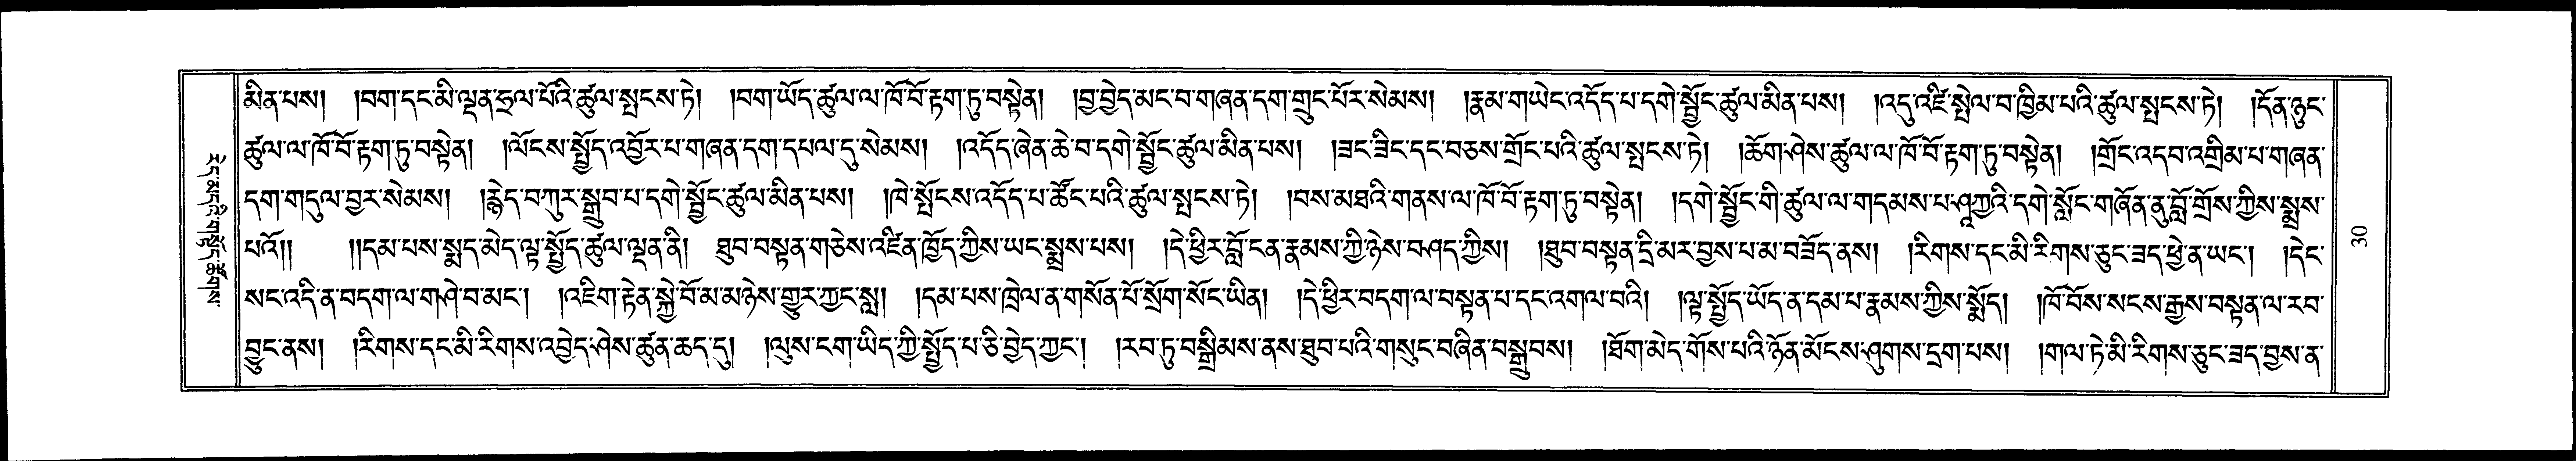མིན་པས། །བག་དང་མི་ལྡན་ཧྲལ་པོའི་ཚུལ་སྤངས་ཏེ། །བག་ཡོད་ཚུལ་ལ་ཁོ་བོ་རྟག་ཏུ་བསྟེན། །བྱ་བྱེད་མང་བ་གཞན་དག་གྲུང་པོར་སེམས། །རྣམ་གཡེང་འདོད་པ་དགེ་སྦྱོང་ཚུལ་མིན་པས། །འདུ་འཛི་སྤེལ་བ་ཁྱིམ་པའི་ཚུལ་སྤངས་ཏེ། །དོན་ཉུང་
ཚུལ་ལ་ཁོ་བོ་རྟག་ཏུ་བསྟེན། །ལོངས་སྤྱོད་འབྱོར་པ་གཞན་དག་དཔལ་དུ་སེམས། །འདོད་ཞེན་ཆེ་བ་དགེ་སྦྱོང་ཚུལ་མིན་པས། །ཟང་ཟིང་དང་བཅས་གྲོང་པའི་ཚུལ་སྤངས་ཏེ། །ཆོག་ཤེས་ཚུལ་ལ་ཁོ་བོ་རྟག་ཏུ་བསྟེན། །གྲོང་འདབ་འགྲིམ་པ་གཞན་
དག་གདུལ་བྱར་སེམས། །རྙེད་བཀུར་སྒྲུབ་པ་དགེ་སྦྱོང་ཚུལ་མིན་པས། །ཁེ་སྤོངས་འདོད་པ་ཚོང་བའི་ཚུལ་སྤངས་ཏེ། །བས་མཐའི་གནས་ལ་ཁོ་བོ་རྟག་ཏུ་བསྟེན། །དགེ་སྦྱོང་གི་ཚུལ་ལ་གདམས་པ་ཤཱཀྱའི་དགེ་སློང་གཞོན་ནུ་བློ་གྲོས་ཀྱིས་སྨྲས་
པའོ།། །།དམ་པས་སྨད་མེད་ལྟ་སྤྱོད་ཚུལ་ལྡན་ནི། །ཐུབ་བསྟན་གཅེས་འཛིན་ཁྱོད་ཀྱིས་ཡང་སྨྲས་པས། །དེ་ཕྱིར་བློ་ངན་རྣམས་ཀྱི་ཉེས་བཤད་ཀྱིས། །ཐུབ་བསྟན་དྲི་མར་བྱས་པ་མ་བཟོད་ནས། །རིགས་དང་མི་རིགས་ཅུང་ཟད་ཕྱེ་ན་ཡང་། །དེང་
སང་འདི་ན་བདག་ལ་གཤེ་བ་མང་། །འཇིག་རྟེན་སྐྱེ་བོ་མ་མཉེས་གྱུར་ཀྱང་སླ། །དམ་པས་ཁྲེལ་ན་གསོན་པོ་སྲོག་སོང་ཡིན། །དེ་ཕྱིར་བདག་ལ་བསྟན་པ་དང་འགལ་བའི། །ལྟ་སྤྱོད་ཡོད་ན་དམ་པ་རྣམས་ཀྱིས་སྨོད། །ཁོ་བོས་སངས་རྒྱས་བསྟན་ལ་རབ་
བྱུང་ནས། །རིགས་དང་མི་རིགས་འབྱེད་ཤེས་ཚུན་ཆད་དུ། །ལུས་ངག་ཡིད་ཀྱི་སྤྱོད་པ་ཅི་བྱེད་ཀྱང་། །རབ་ཏུ་བསྒྲིམས་ནས་ཐུབ་པའི་གསུང་བཞིན་བསྒྲུབས། །ཐོག་མེད་གོས་པའི་ཉོན་མོངས་ཤུགས་དྲག་པས། །གལ་ཏེ་མི་རིགས་ཅུང་ཟད་བྱས་ན་